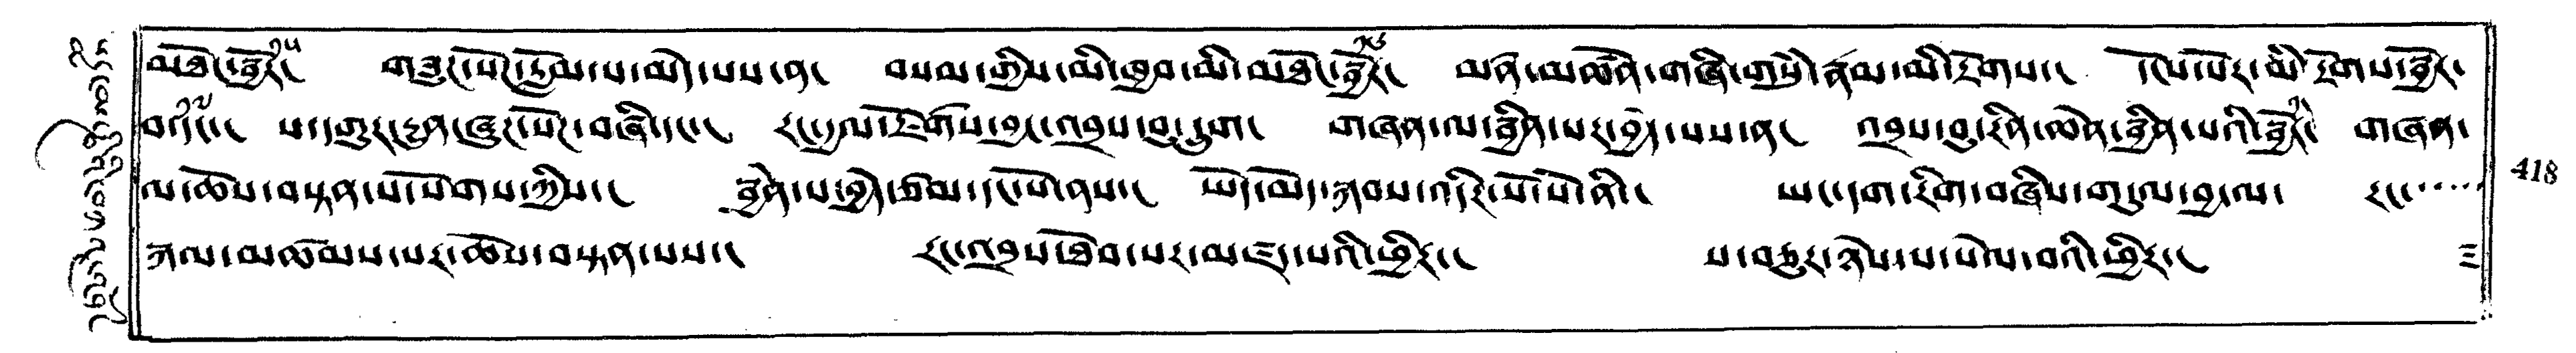མཐོང་སྦྱོར། །གཟུགས་སོགས་རློམ་པ་མེད་པས་ན། །བསམ་གྱིས་མི་ཁྱབ་མི་མཐོང་སྦྱོར། །མཚན་མཚོན་གཞི་གསུམ་རྣམ་མི་རྟོག།དངོས་པོར་མི་རྟོགས་སྦྱོར་
བ་དང་། །ས་དགུར་རྒྱུན་ཞུགས་སོགས་བཞི་དང་། །རང་རྒྱལ་རྫོགས་བྱང་འབྲས་བུ་དྲུག །གཞན་ལ་སྦྱིན་པར་བྱེད་པས་ན། །འབྲས་བུ་རིན་ཆེན་སྦྱིན་པའི་སྦྱོར། །གཞན་
ལ་ཆོས་བསྟན་པ་སོགས་ཀྱིས། །སྦྱིན་པ་བྱེད་ཙམ་དང་པོ་ནས། །ཡོད་མོད་སྐབས་འདིར་སོ་སོ་ནི། །ཡང་དག་རིག་བཞིས་གདུལ་བྱ་ལ། །རང་སྐལ་འཚམ་པར་ཆོས་བསྟན་པས། །རང་
འབྲས་ཐོབ་པར་མཛད་པའི་ཕྱིར། །ས་བཅུར་ཉེས་པ་སེལ་བའི་ཕྱིར།